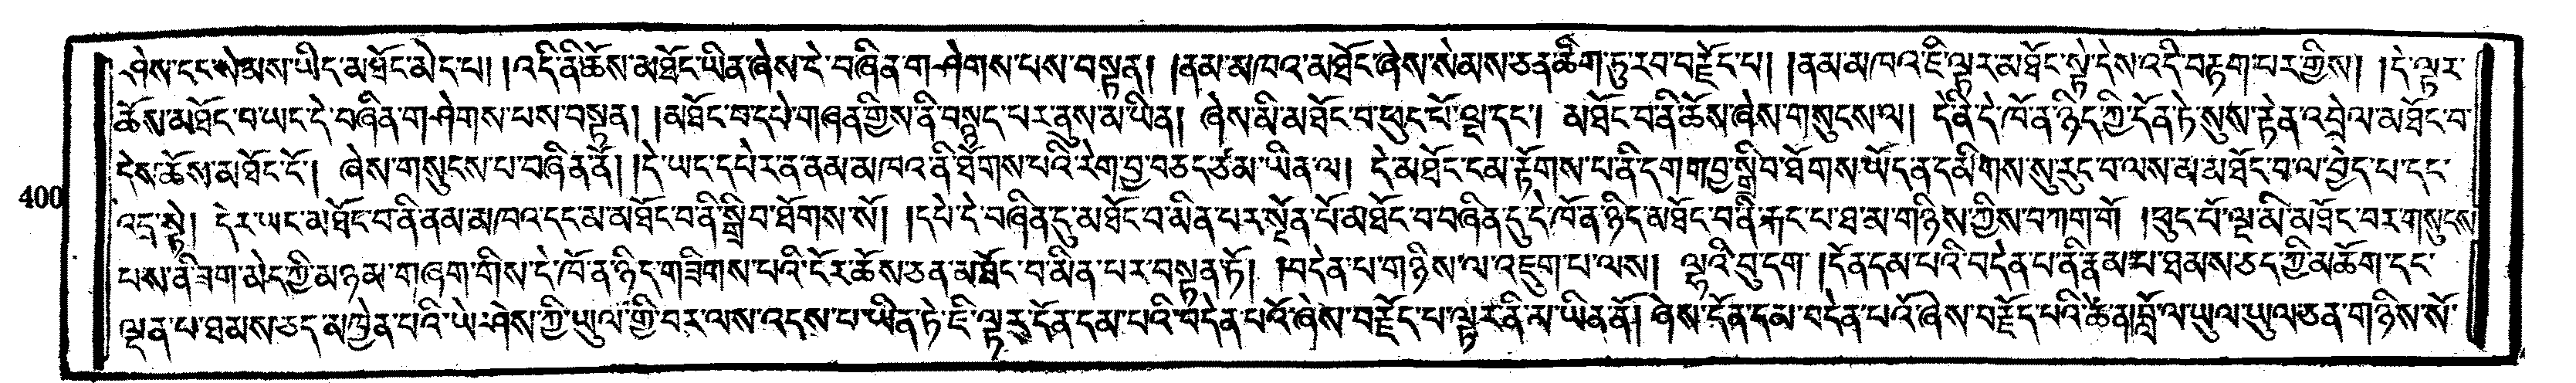ཤེས་དང་སེམས་ཡིད་མཐོང་མེད་པ། །འདི་ནི་ཆོས་མཐོང་ཡིན་ཞེས་དེ་བཞིན་གཤེགས་པས་བསྟན། །ནམ་མཁའ་མཐོང་ཞེས་སེམས་ཅན་ཚིག་ཏུ་རབ་བརྗོང་པ། །ནམ་མཁའ་ཇི་ལྟར་མཐོང་སྟེ་དེས་འདི་བརྟག་པར་གྱིས། །དེ་ལྟར་
ཆོས་མཐོང་བ་ཡང་དེ་བཞིན་གཤེགས་པས་བསྟན། །མཐོང་བ་དཔེ་གཞན་གྱིས་ནི་བསྙད་པར་ནུས་མ་ཡིན། ཞེས་མི་མཐོང་པ་ཕུང་པོ་ལྔ་དང་། མཐོང་བ་ནི་ཆོས་ཞེས་གསུངས་ལ། དེ་ནི་དེ་ཁོ་ན་ཉིད་ཀྱི་དོན་ཏེ་སུས་རྟེན་འབྲེལ་མཐོང་བ་
དེས་ཆོས་མཐོང་ངོ། ཞེས་གསུངས་པ་བཞིན་ནོ། །དེ་ཡང་དཔེར་ན་ནམ་མཁའ་ནི་ཐོགས་པའི་རེག་བྱ་བཅད་ཙམ་ཡིན་ལ། དེ་མཐོང་ངམ་རྟོགས་པ་ནི་དགག་བྱ་སྒྲིབ་ཐོགས་ཡོད་ན་དམིགས་སུ་རུང་བ་ལས་མ་མཐོང་བ་ལ་བྱེད་པ་དང་
འདྲ་སྟེ། དེར་ཡང་མཐོང་བ་ནི་ནམ་མཁའ་དང་མ་མཐོང་བ་ནི་སྒྲིབ་ཐོགས་སོ། །དཔེ་དེ་བཞིན་དུ་མཐོང་བ་མིན་པར་སྔོན་པོ་མཐོང་བ་བཞིན་དུ་དེ་ཁོ་ན་ཉིད་མཐོང་བ་ནི་རྐང་པ་ཐ་མ་གཉིས་ཀྱིས་བཀག་གོ །ཕུང་པོ་ལྔ་མི་མཐོང་བར་གསུངས་
པས་ནི་ཟག་མེད་ཀྱི་མཉམ་གཞག་གིས་དེ་ཁོ་ན་ཉིད་གཟིགས་པའི་ངོར་ཆོས་ཅན་མཐོང་བ་མིན་པར་བསྟན་ཏོ། །བདེན་པ་གཉིས་ལ་འཇུག་པ་ལས། ལྷའི་བུ་དག །དོན་དམ་པའི་བདེན་པ་ནི་རྣམ་པ་ཐམས་ཅད་ཀྱི་མཆོག་དང་
ལྡན་པ་ཐམས་ཅད་མཁྱེན་པའི་ཡེ་ཤེས་ཀྱི་ཡུལ་གྱི་བར་ལས་འདས་པ་ཡིན་ཏེ་ཇི་ལྟར་དོན་དམ་པའི་བདེན་པའོ་ཞེས་བརྗོད་པ་ལྟར་ནི་མ་ཡིན་ནོ། ཞེས་དོན་དམ་བདེན་པའོ་ཞེས་བརྗོད་པའི་ཚེ་ན། བློ་ལ་ཡུལ་ཡུལ་ཅན་གཉིས་སོ་